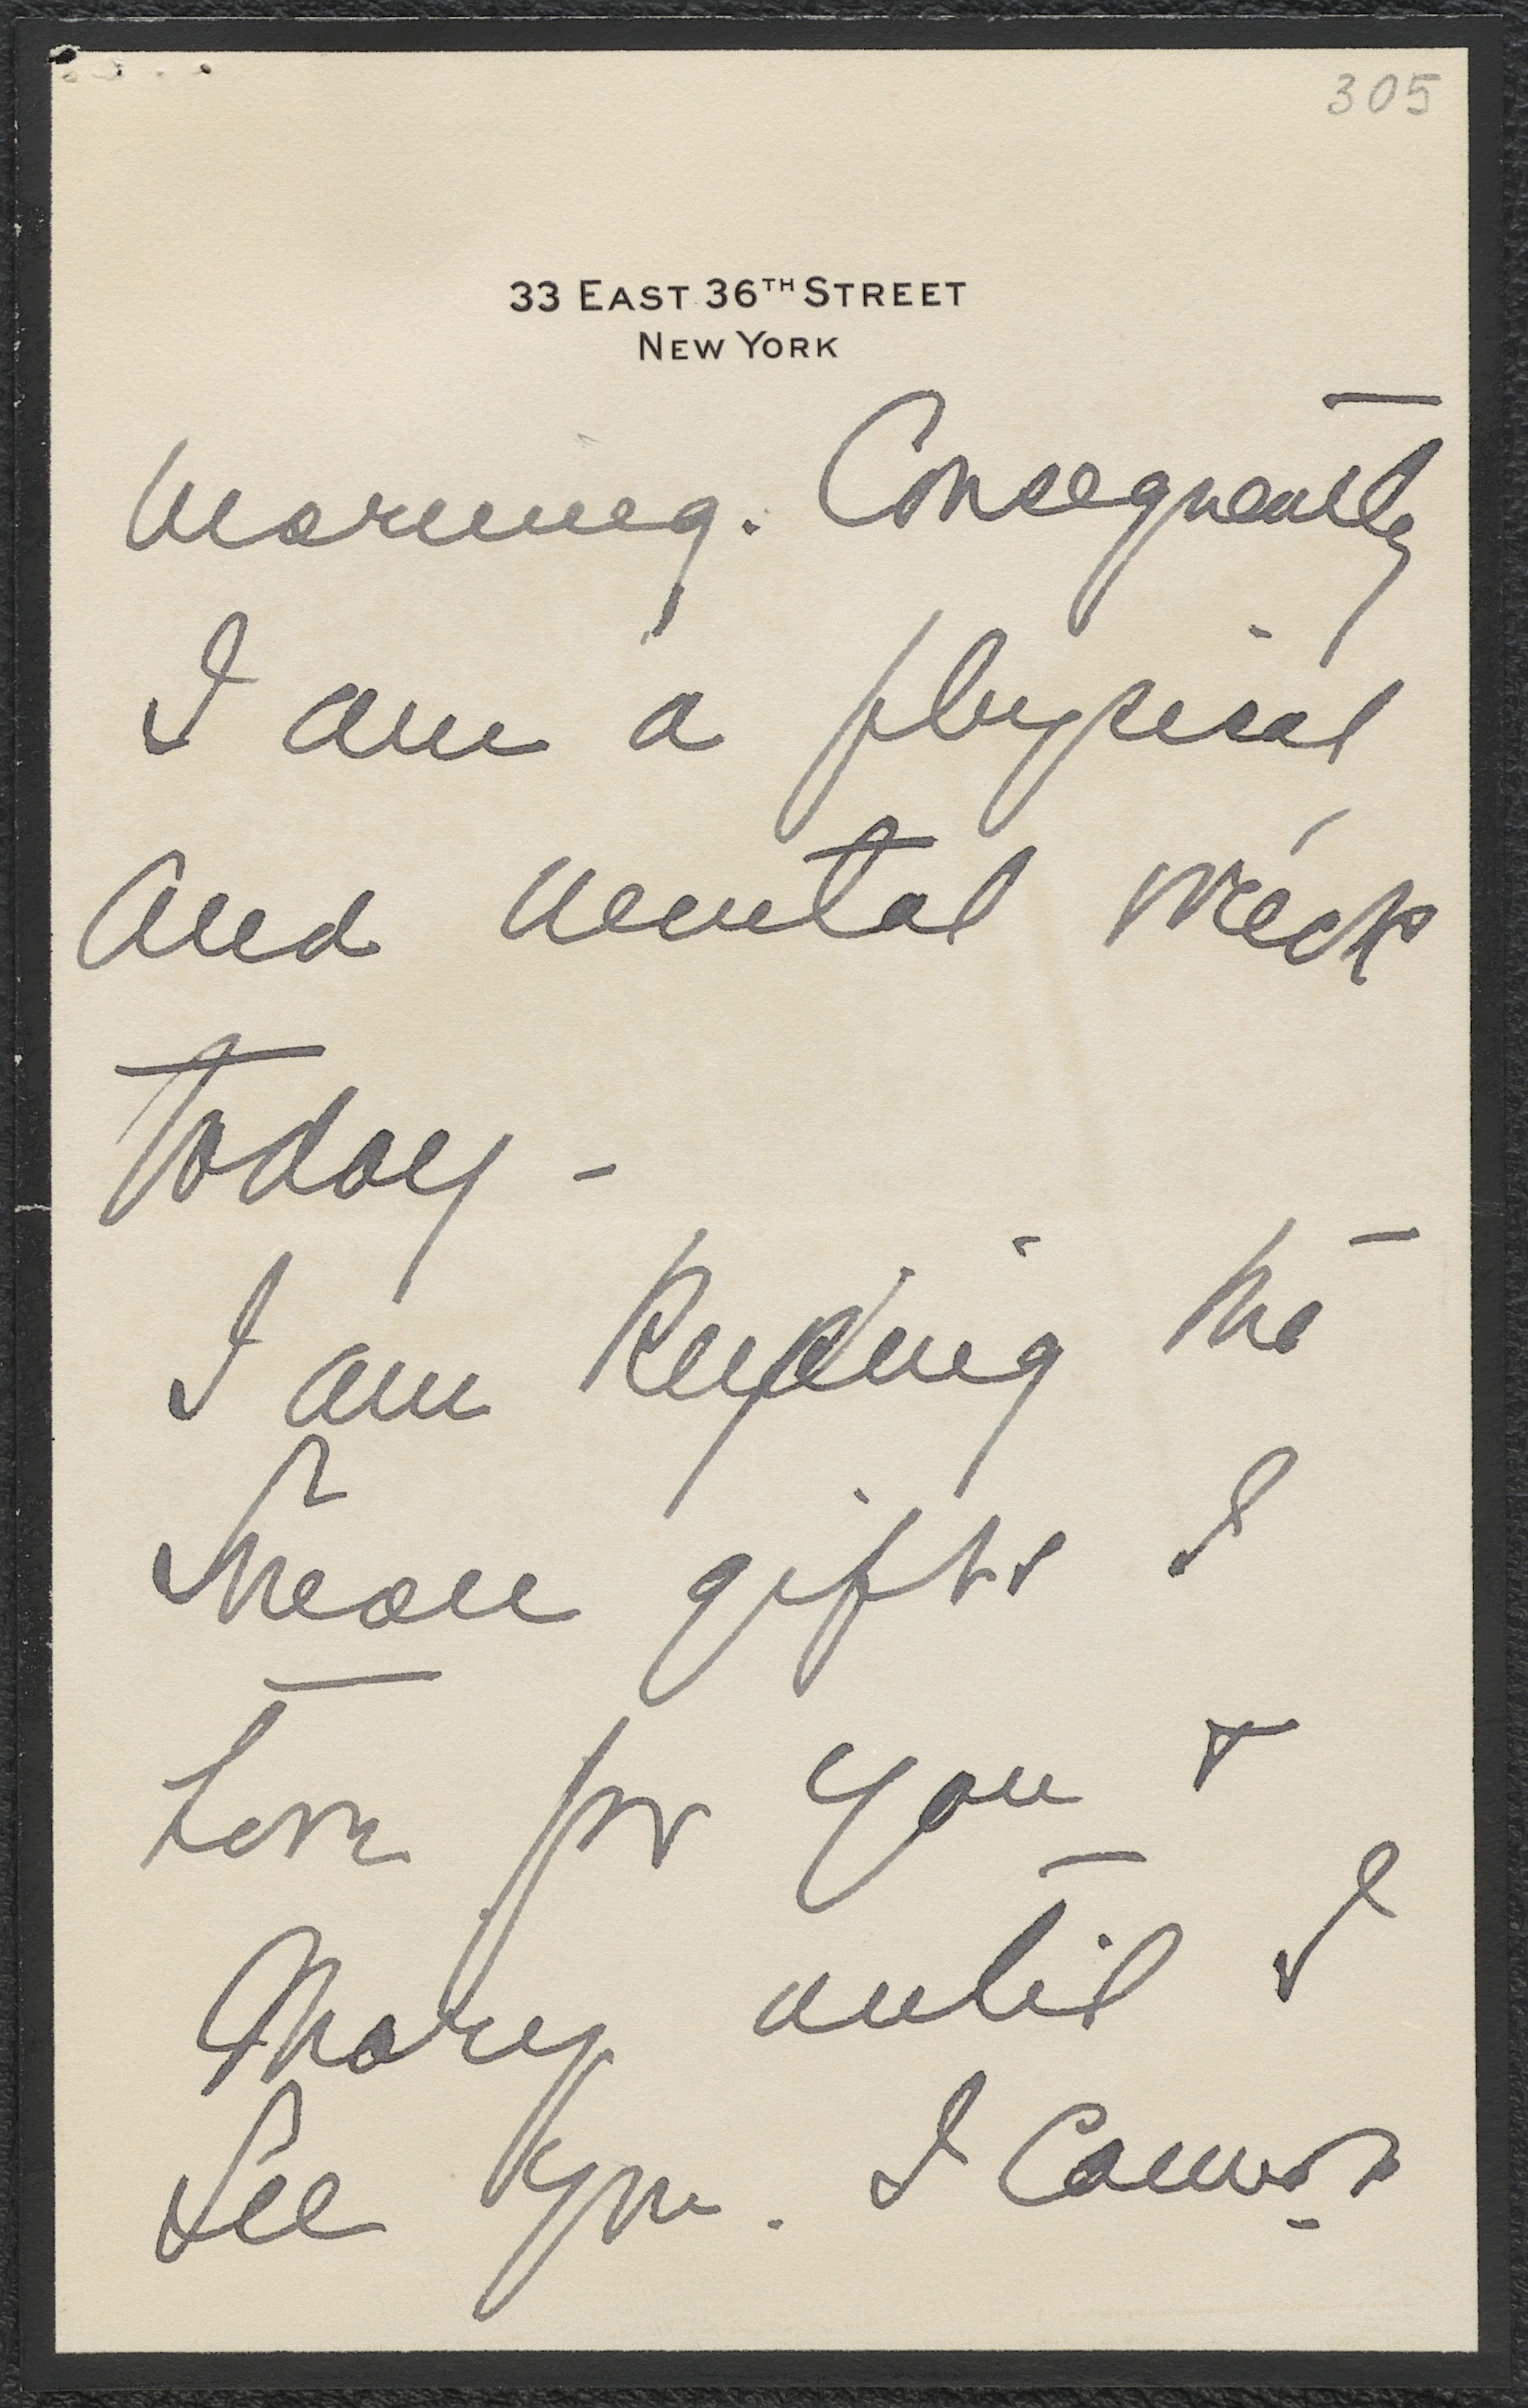morning. Consequently I am a physical, and mental wreck today –
I am keeping the small gifts I have for you & Mary until I see you. I cannot